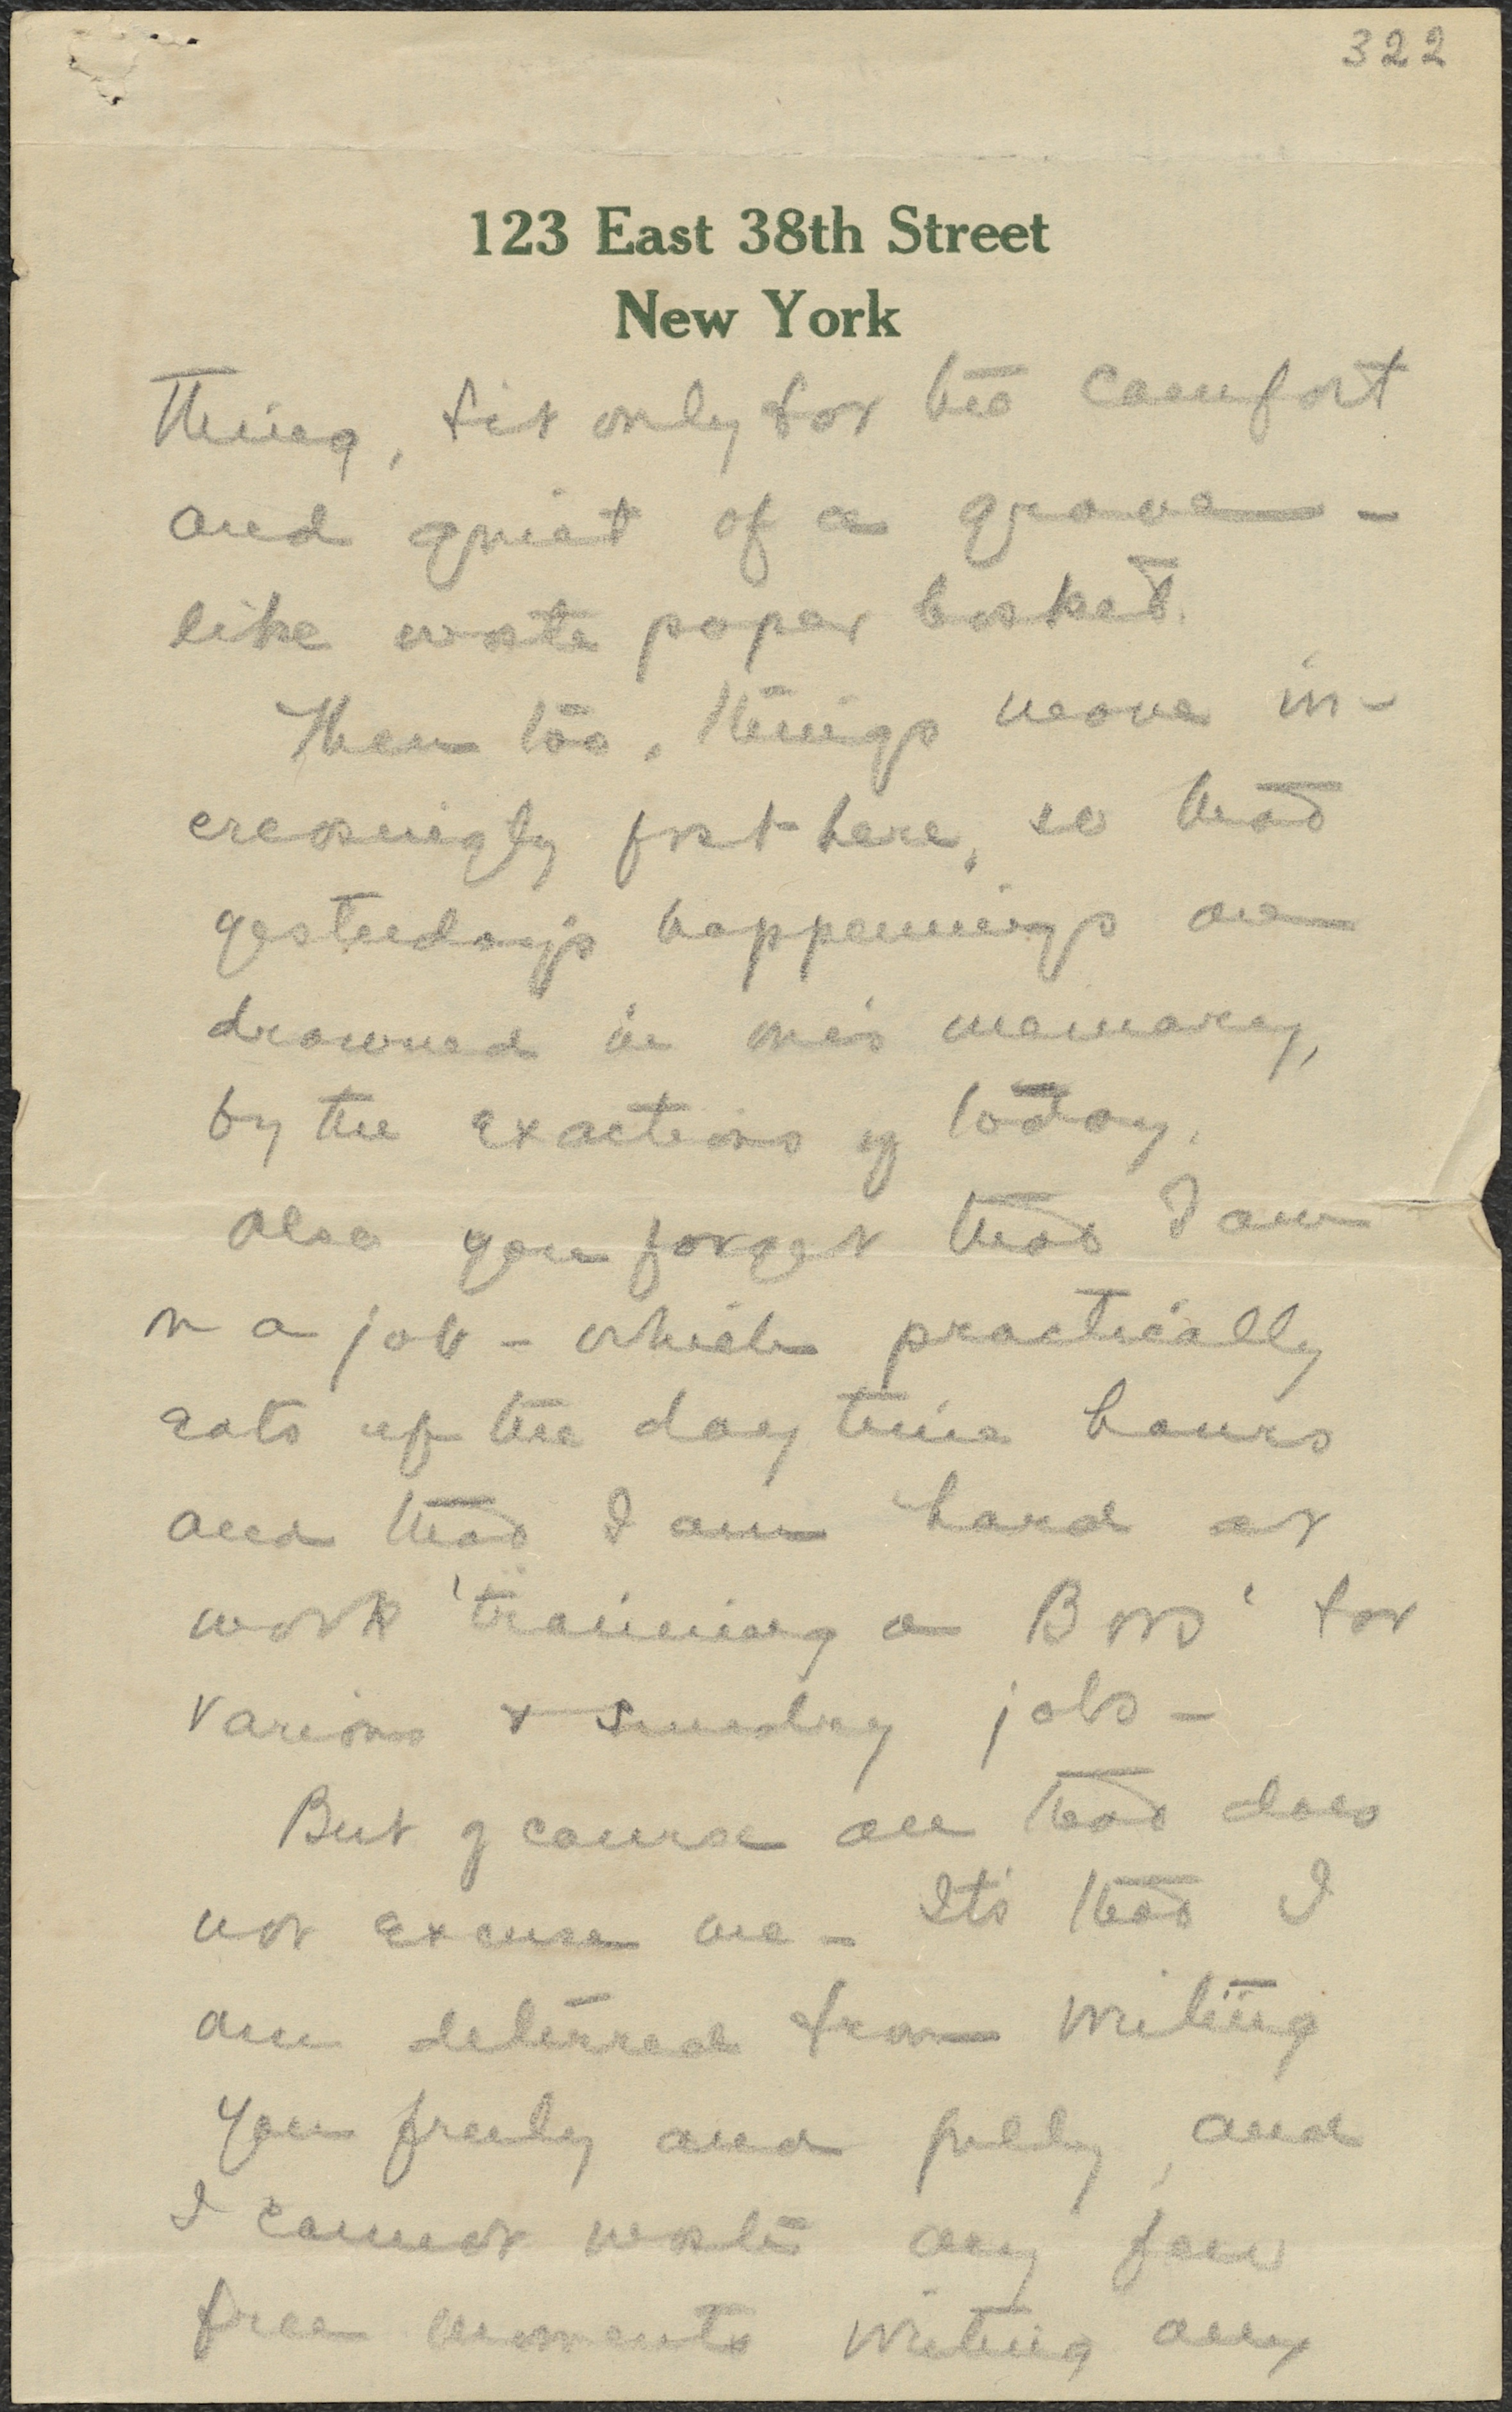[written in pencil] thing, fit only for his comfort and quiet of a grave-like waste paper basket.
Then too, things move increasingly fast here, so that yesterday’s happenings are drowned in one’s memory, by the exactions of today.
Also you forget that I am on a job – which practically eats up the day time hours and that I am hard at work ‘training a Boss’ for various & sundry jobs –
But of course all that does not excuse me – It’s that I am deterred from writing you freely and fully, and I cannot waste my few free moments writing any